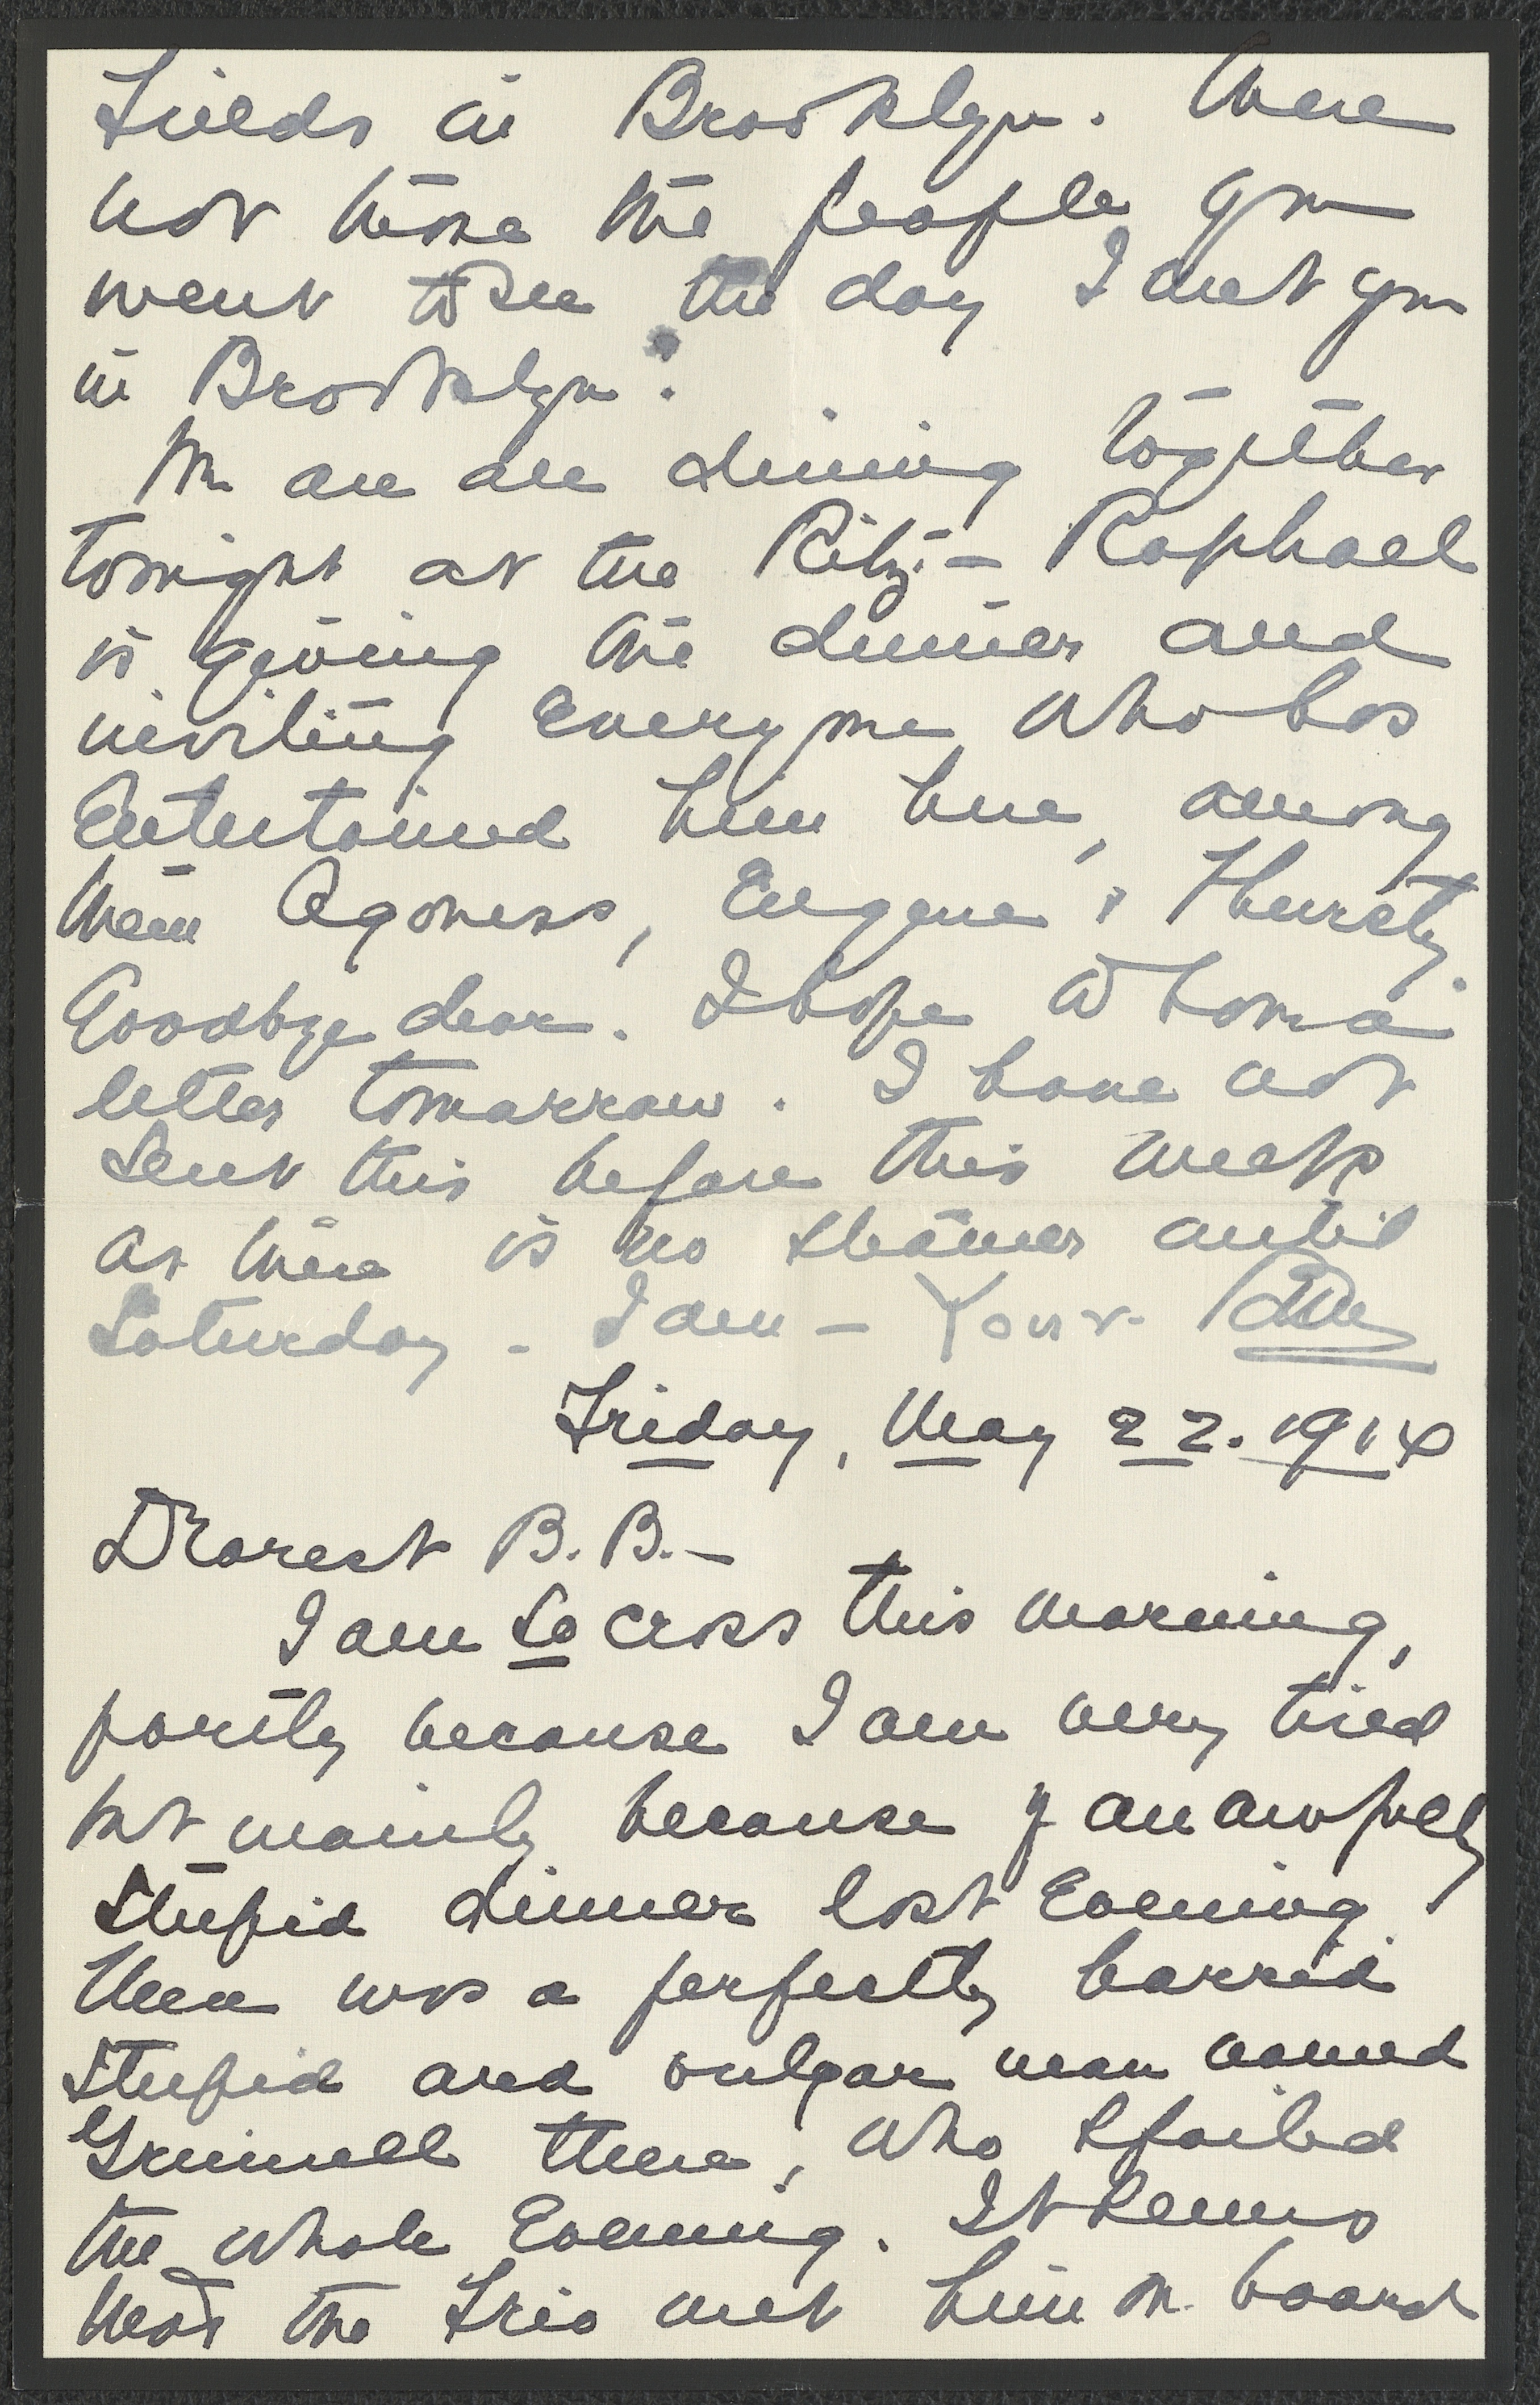Fields in Brooklyn. Were not those the people you went to see the day I met you in Brooklyn?
We are all dining together tonight at the Ritz. – Raphael is giving the dinner and inviting everyone who has entertained him here, among them Agoness, Eugene, Thursty. Goodbye dear. I hope to have a letter tomorrow. I have not sent this before this week as there is no steamer until Saturday – I am – [written in print script: Your] Belle
Friday, May 22 – 1914
Dearest B.B. –
I am so cross this morning, partly because I am very tired but mainly because of an awfully stupid dinner last evening. There was a perfectly horrid stupid and vulgar man named Grinnell there, who spoiled the whole evening. It seems that the Trio met him on board